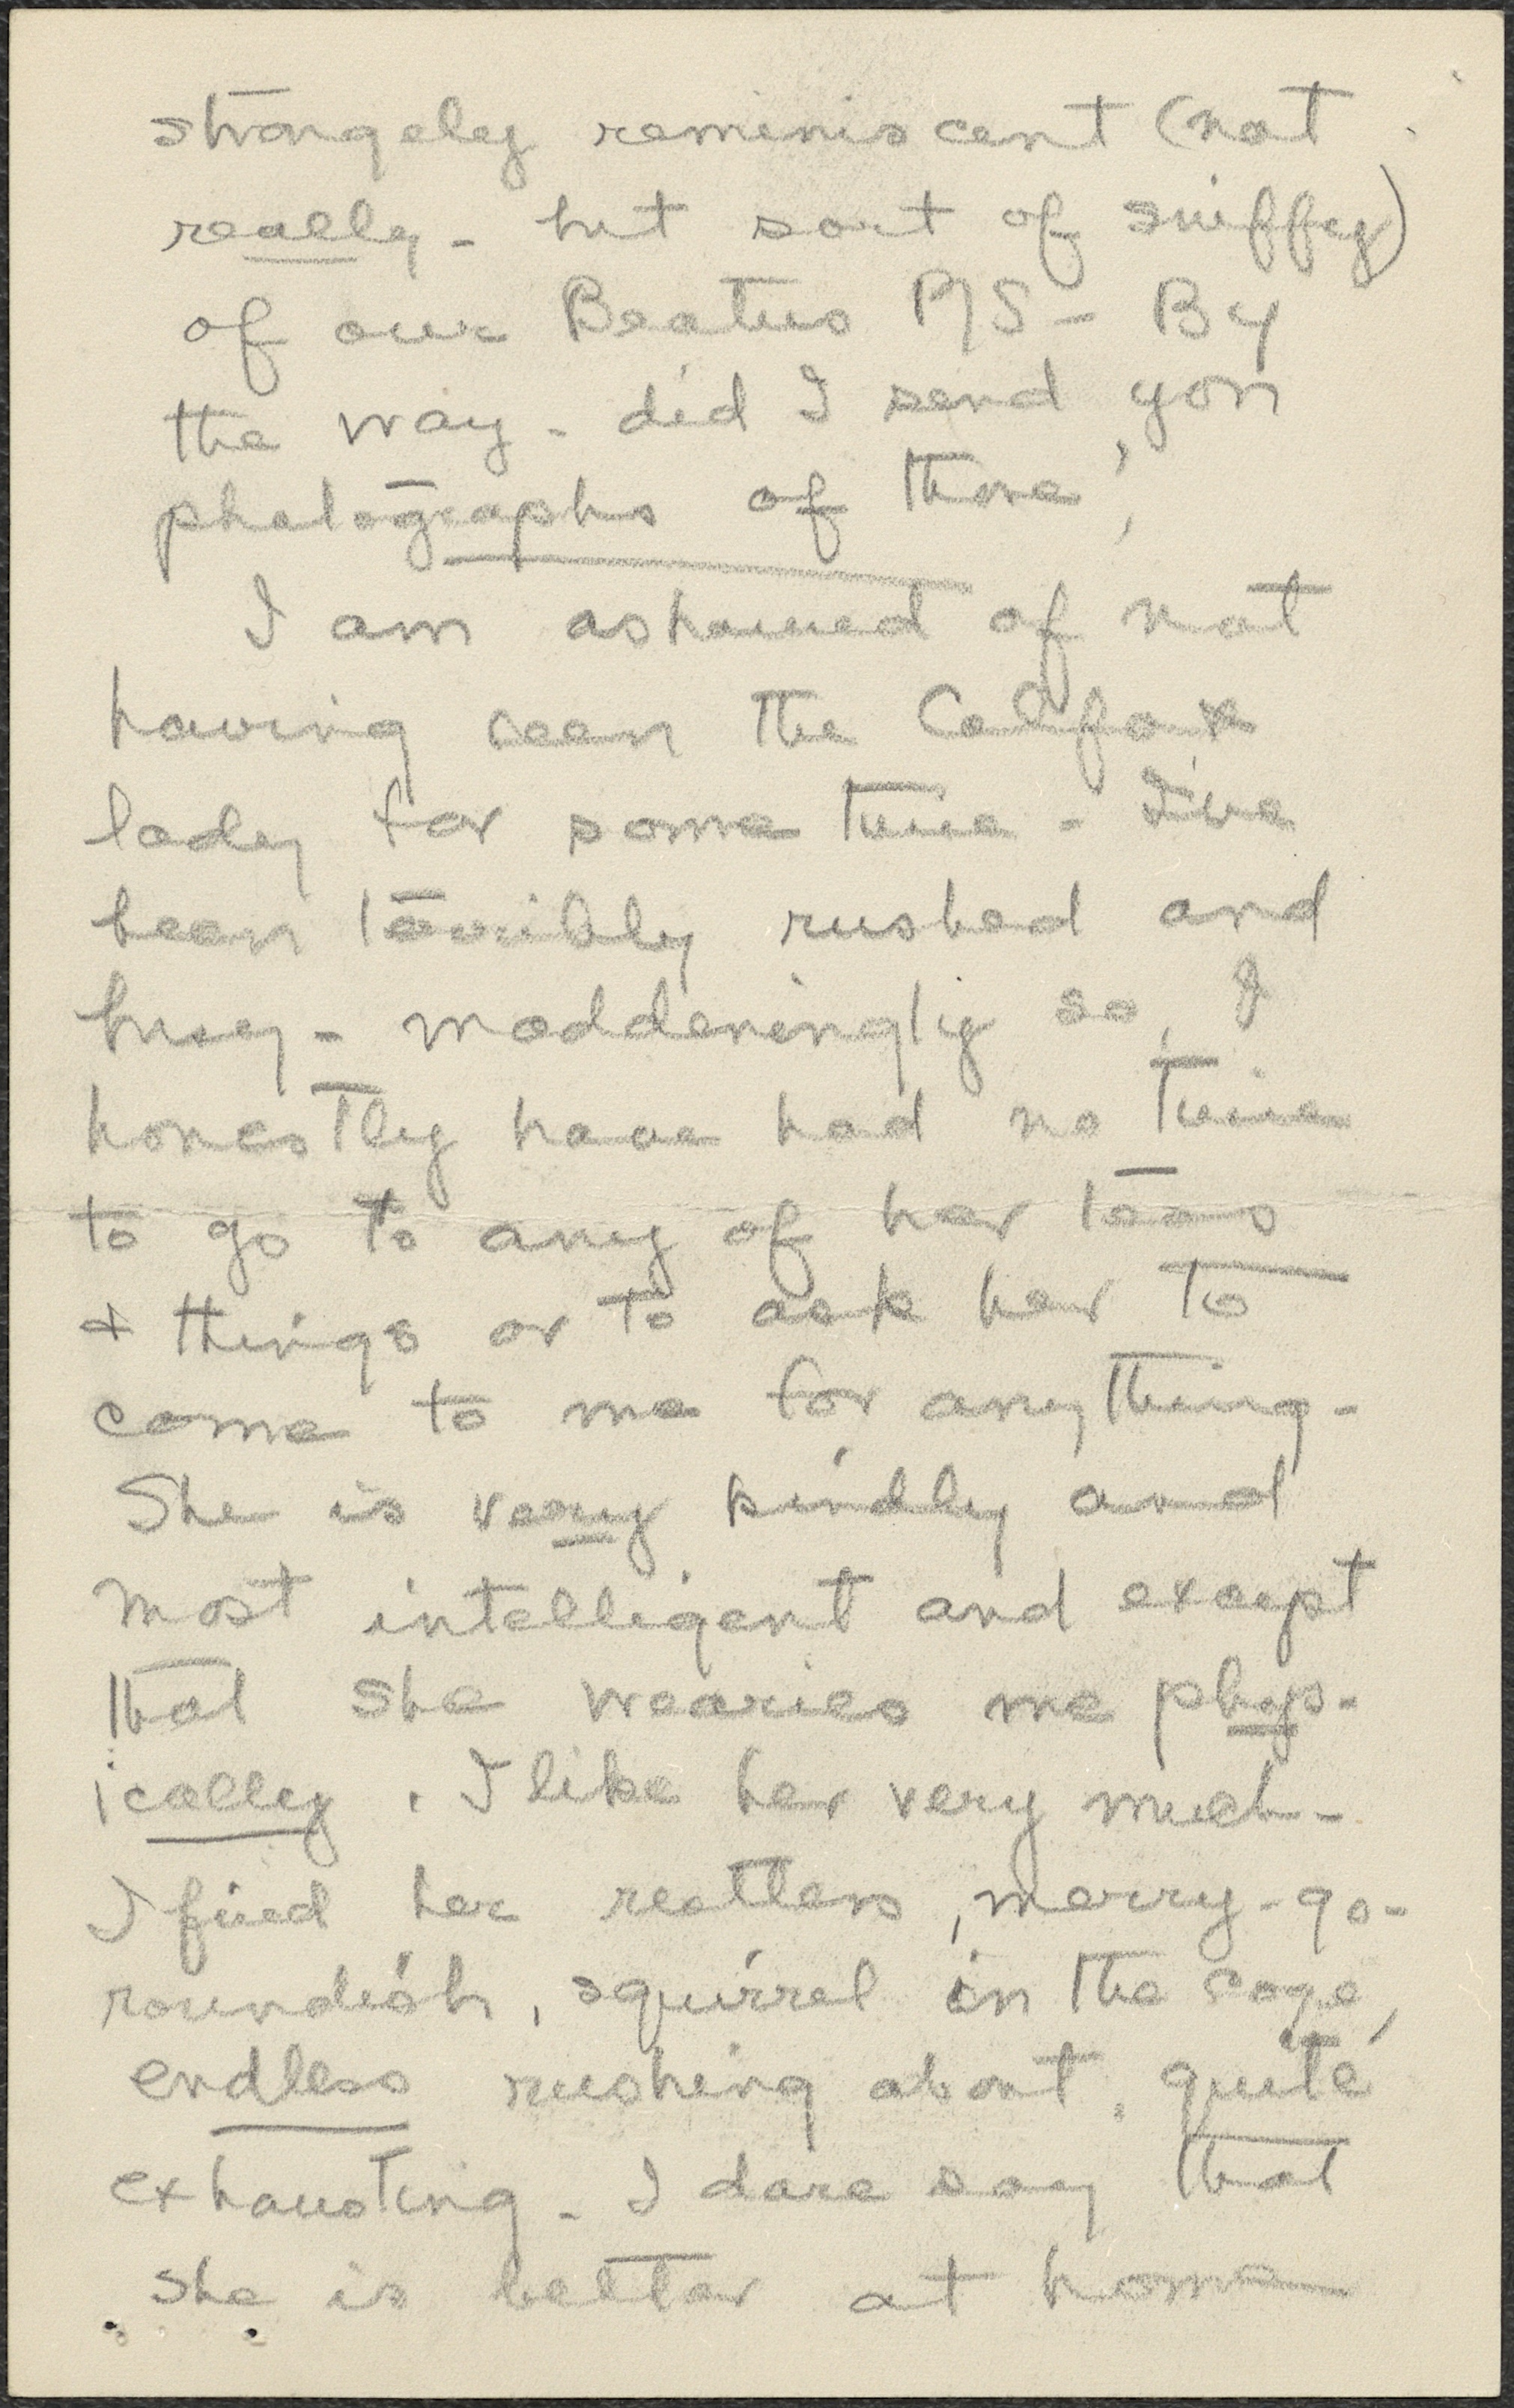strangely reminiscent (not really – but sort of sniffy) of our Beatus MS – By the way – did I send you photographs of those?
I am ashamed of not having seen the Colfax lady for some time – I’ve been terribly rushed and busy – maddeningly so, I honestly have had no time to go to any of her teas & things or to ask her to come to me for anything – She is very kindly and most intelligent and except that she wearies me physically, I like her very much – I find her restless, merry-go-roundish, squirrel in the cage, endless rushing about, quite exhausting – I dare say that she is better at home